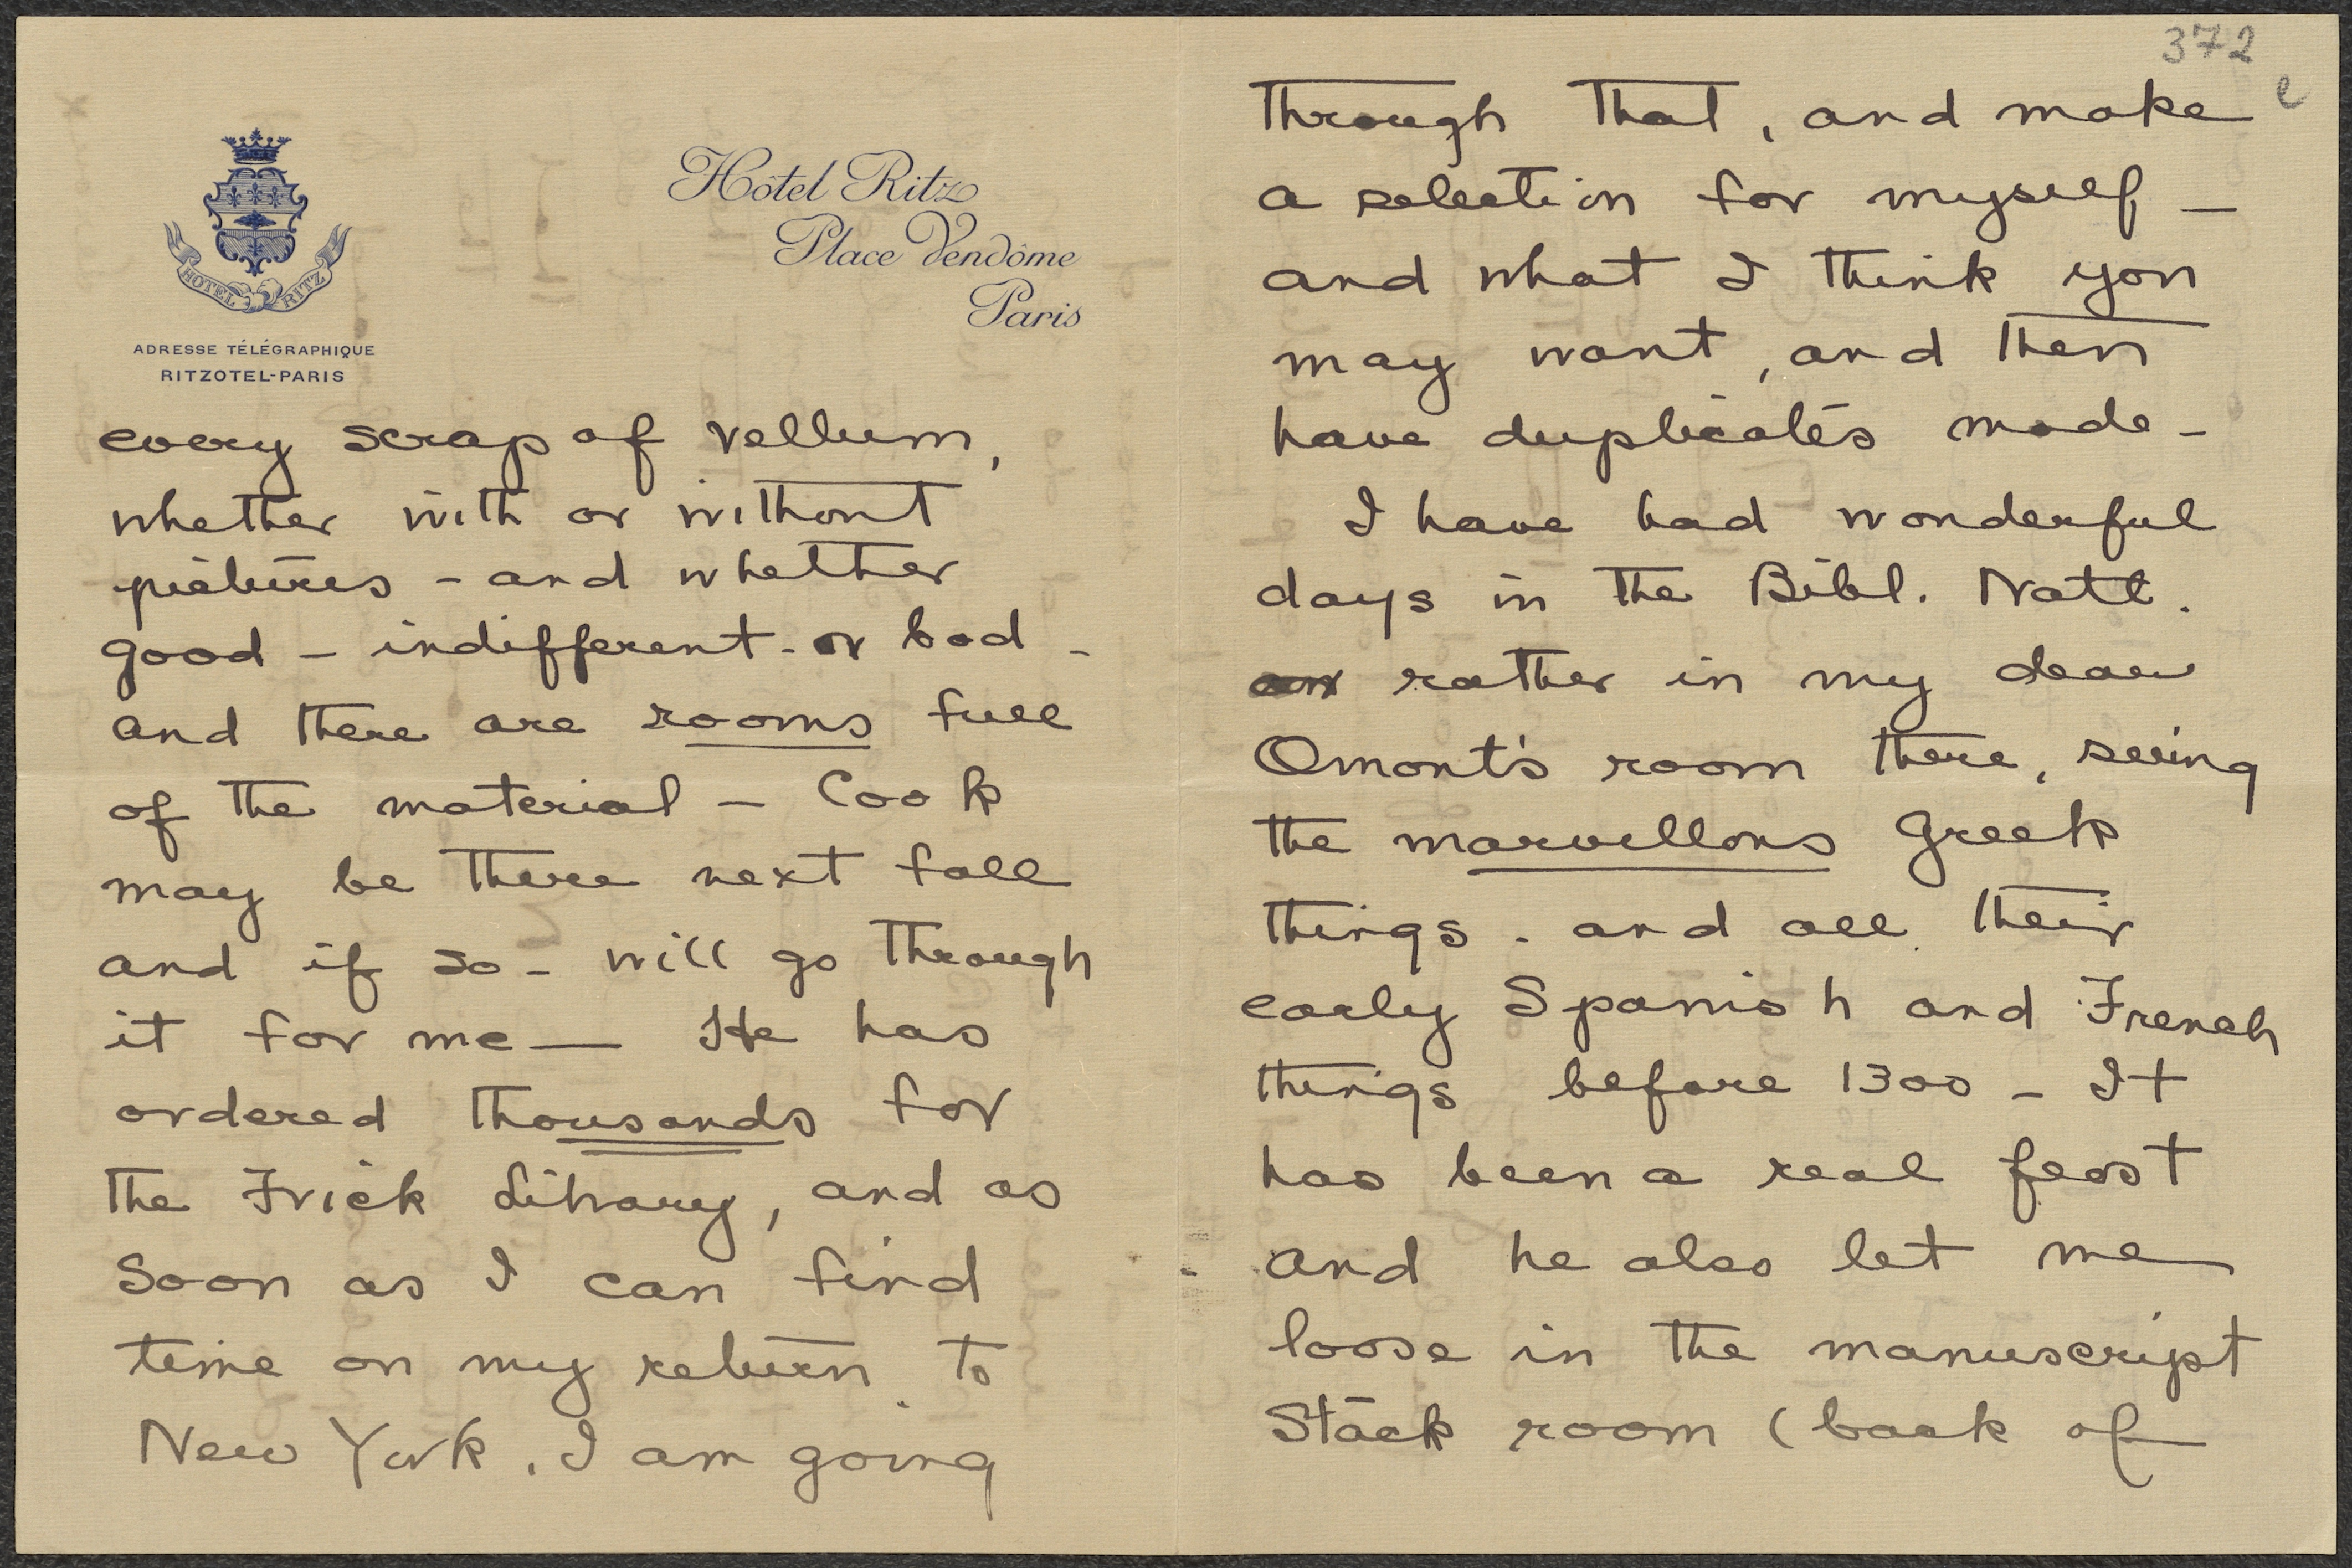every scrap of vellum, whether with or without pictures – and whether good – indifferent, or bad – and there are rooms full of the material – Cook may be there next fall and if so – will go through it for me – He has ordered [double underlined: thousands] for the Frick Library, and as soon as I can find the time on my return to New York, I am going
through that, and make a selection for myself – and what I think you may want, and then have duplicates made –
I have had wonderful days in the Bibl. Natl. [illegible deletion] rather in my dear Omont’s room there, seeing the marvellous Greek things and all their early Spanish and French things before 1300 – It has been a real feast and he also let me loose in the manuscript stack room (back of